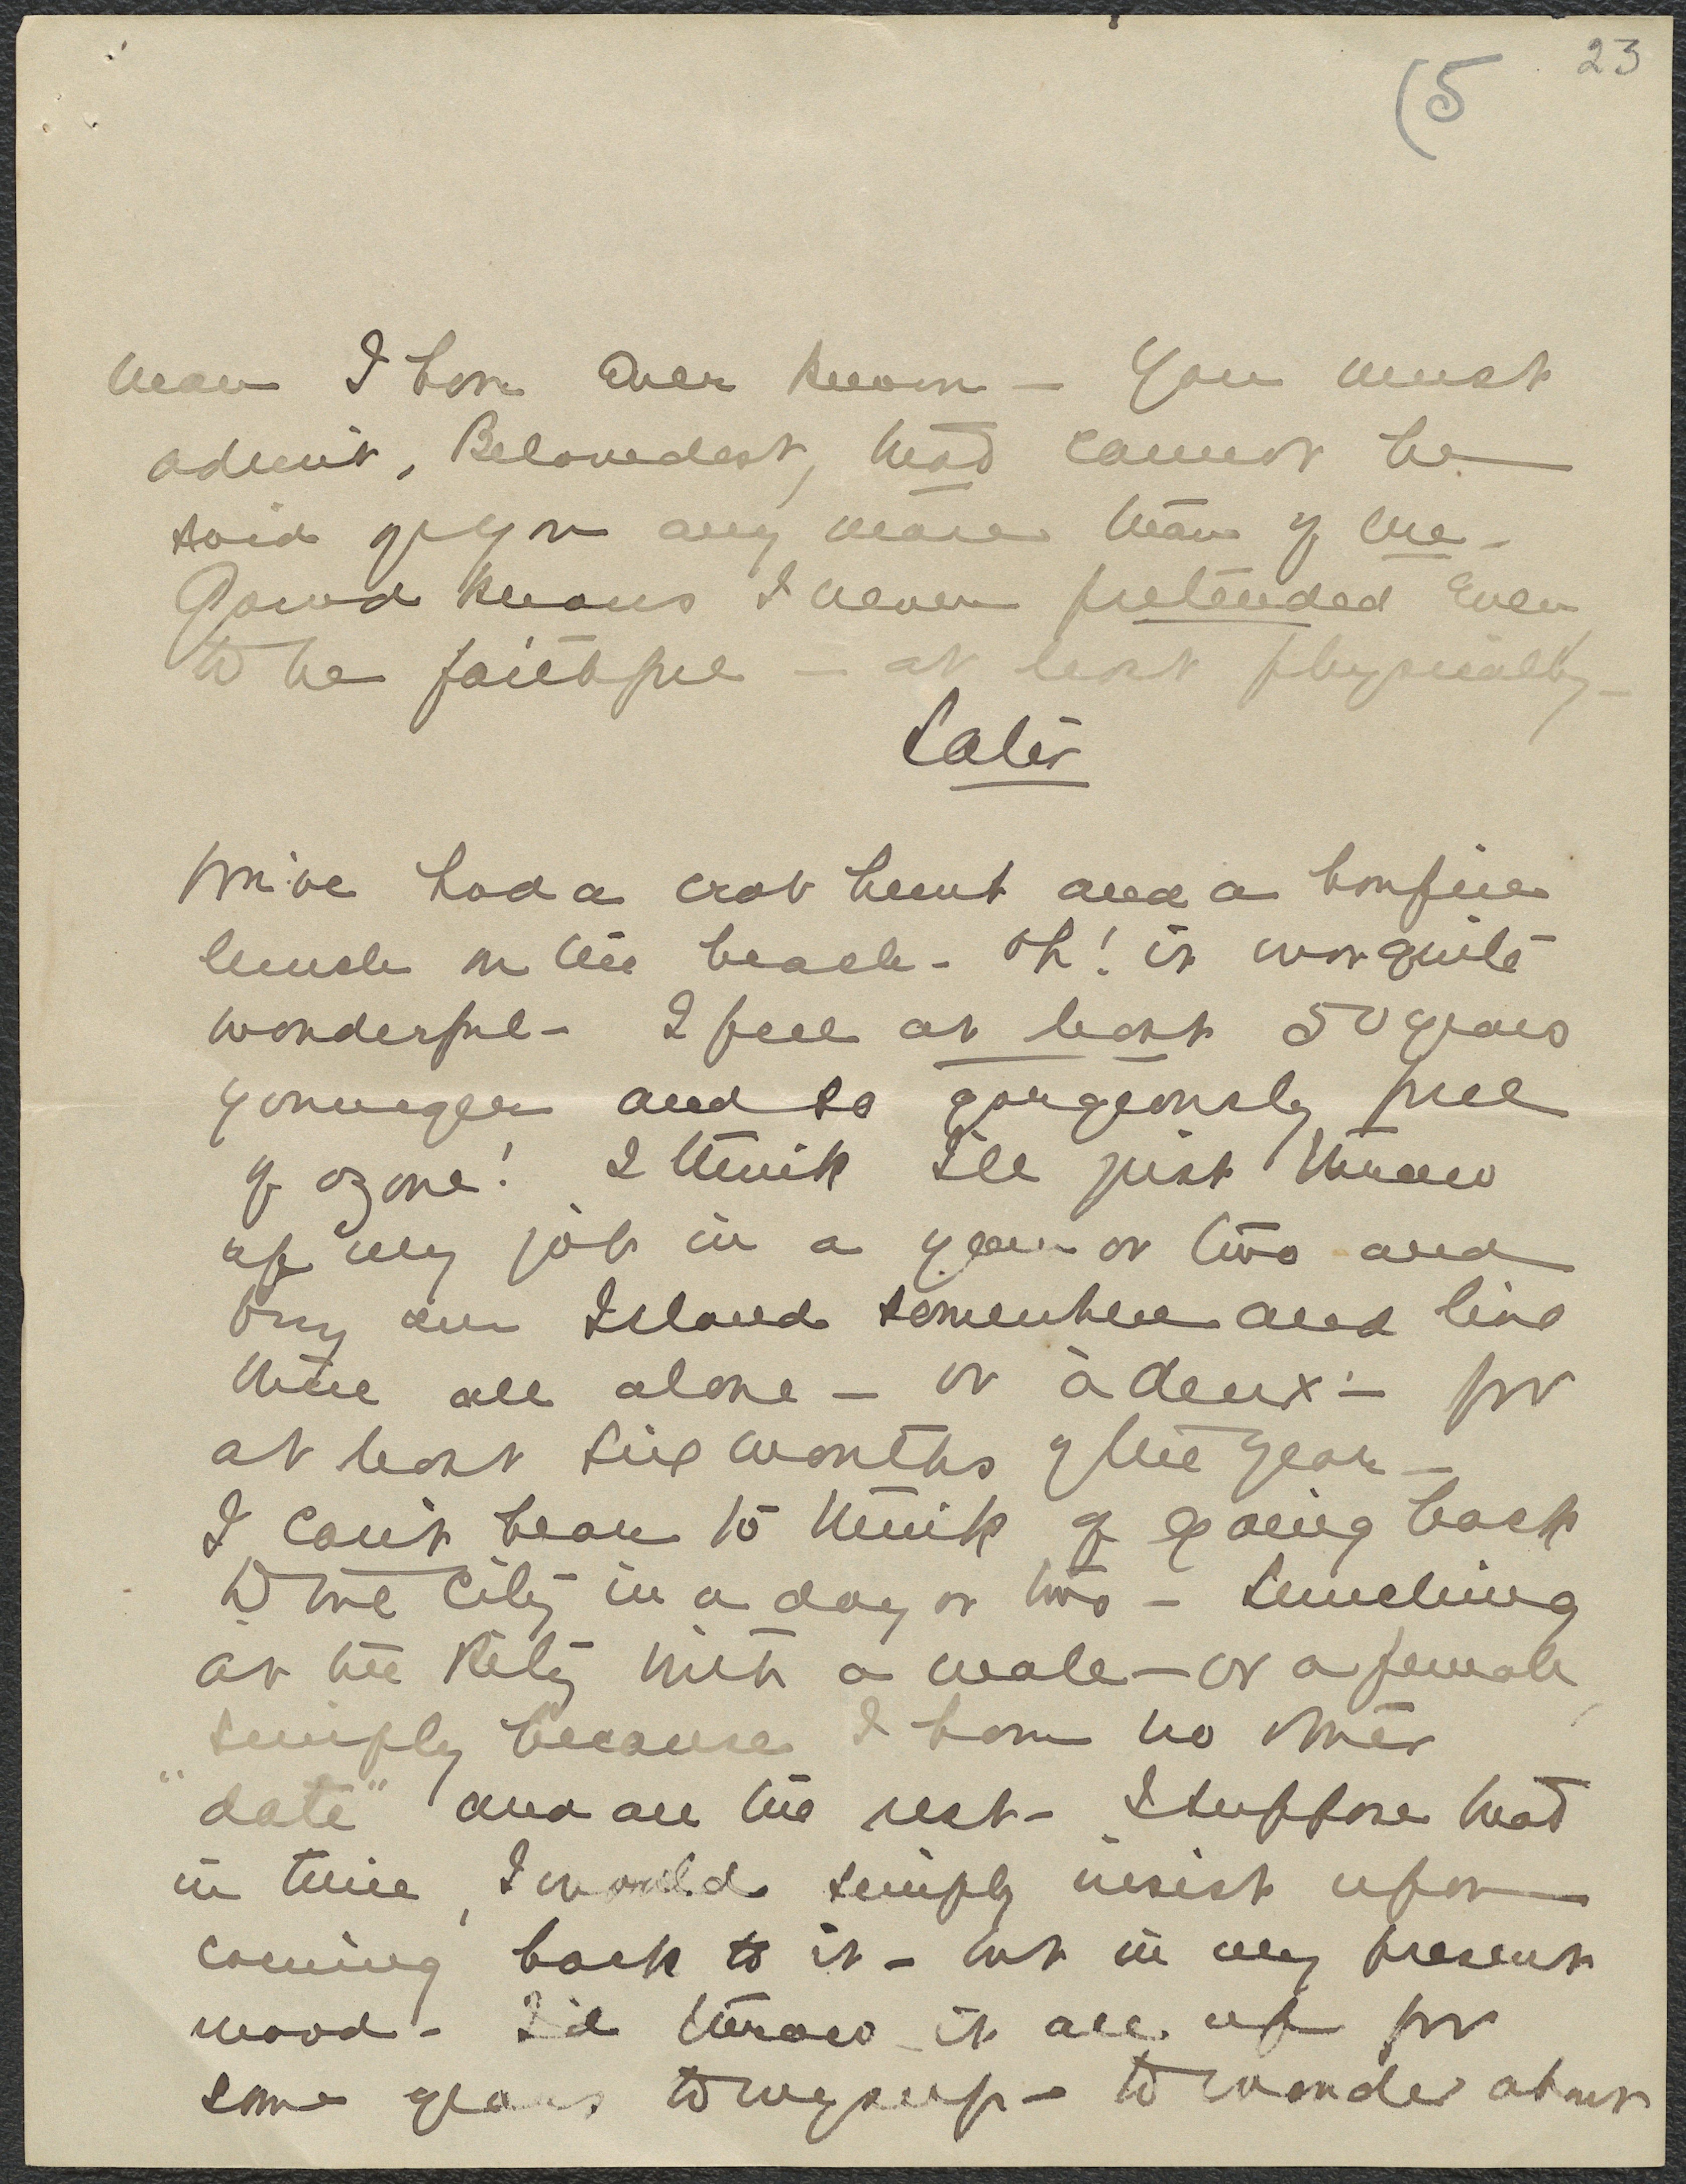man I have ever known – You must admit, Belovedest, that cannot be said of you any more than of me – Gawd knows I never pretended even to be faithful – at least physically –
Later
We've had a crab hunt and a bonfire lunch on the beach – Oh! it was quite wonderful – I feel at least 50 years younger and so gorgeously full of ozone! I think I'll just throw up my job in a year or two and buy an Island somewhere and live there all alone – or à deux – for at least six months of the year –
I can't bear to think of going back to the city in a day or two – lunching at the Ritz with a male – or a female simply because I have no other "date" and all the rest – I suppose that in time, I would simply insist upon coming back to it – but in my present mood – I'd throw it all up for some years to myself – to wander about